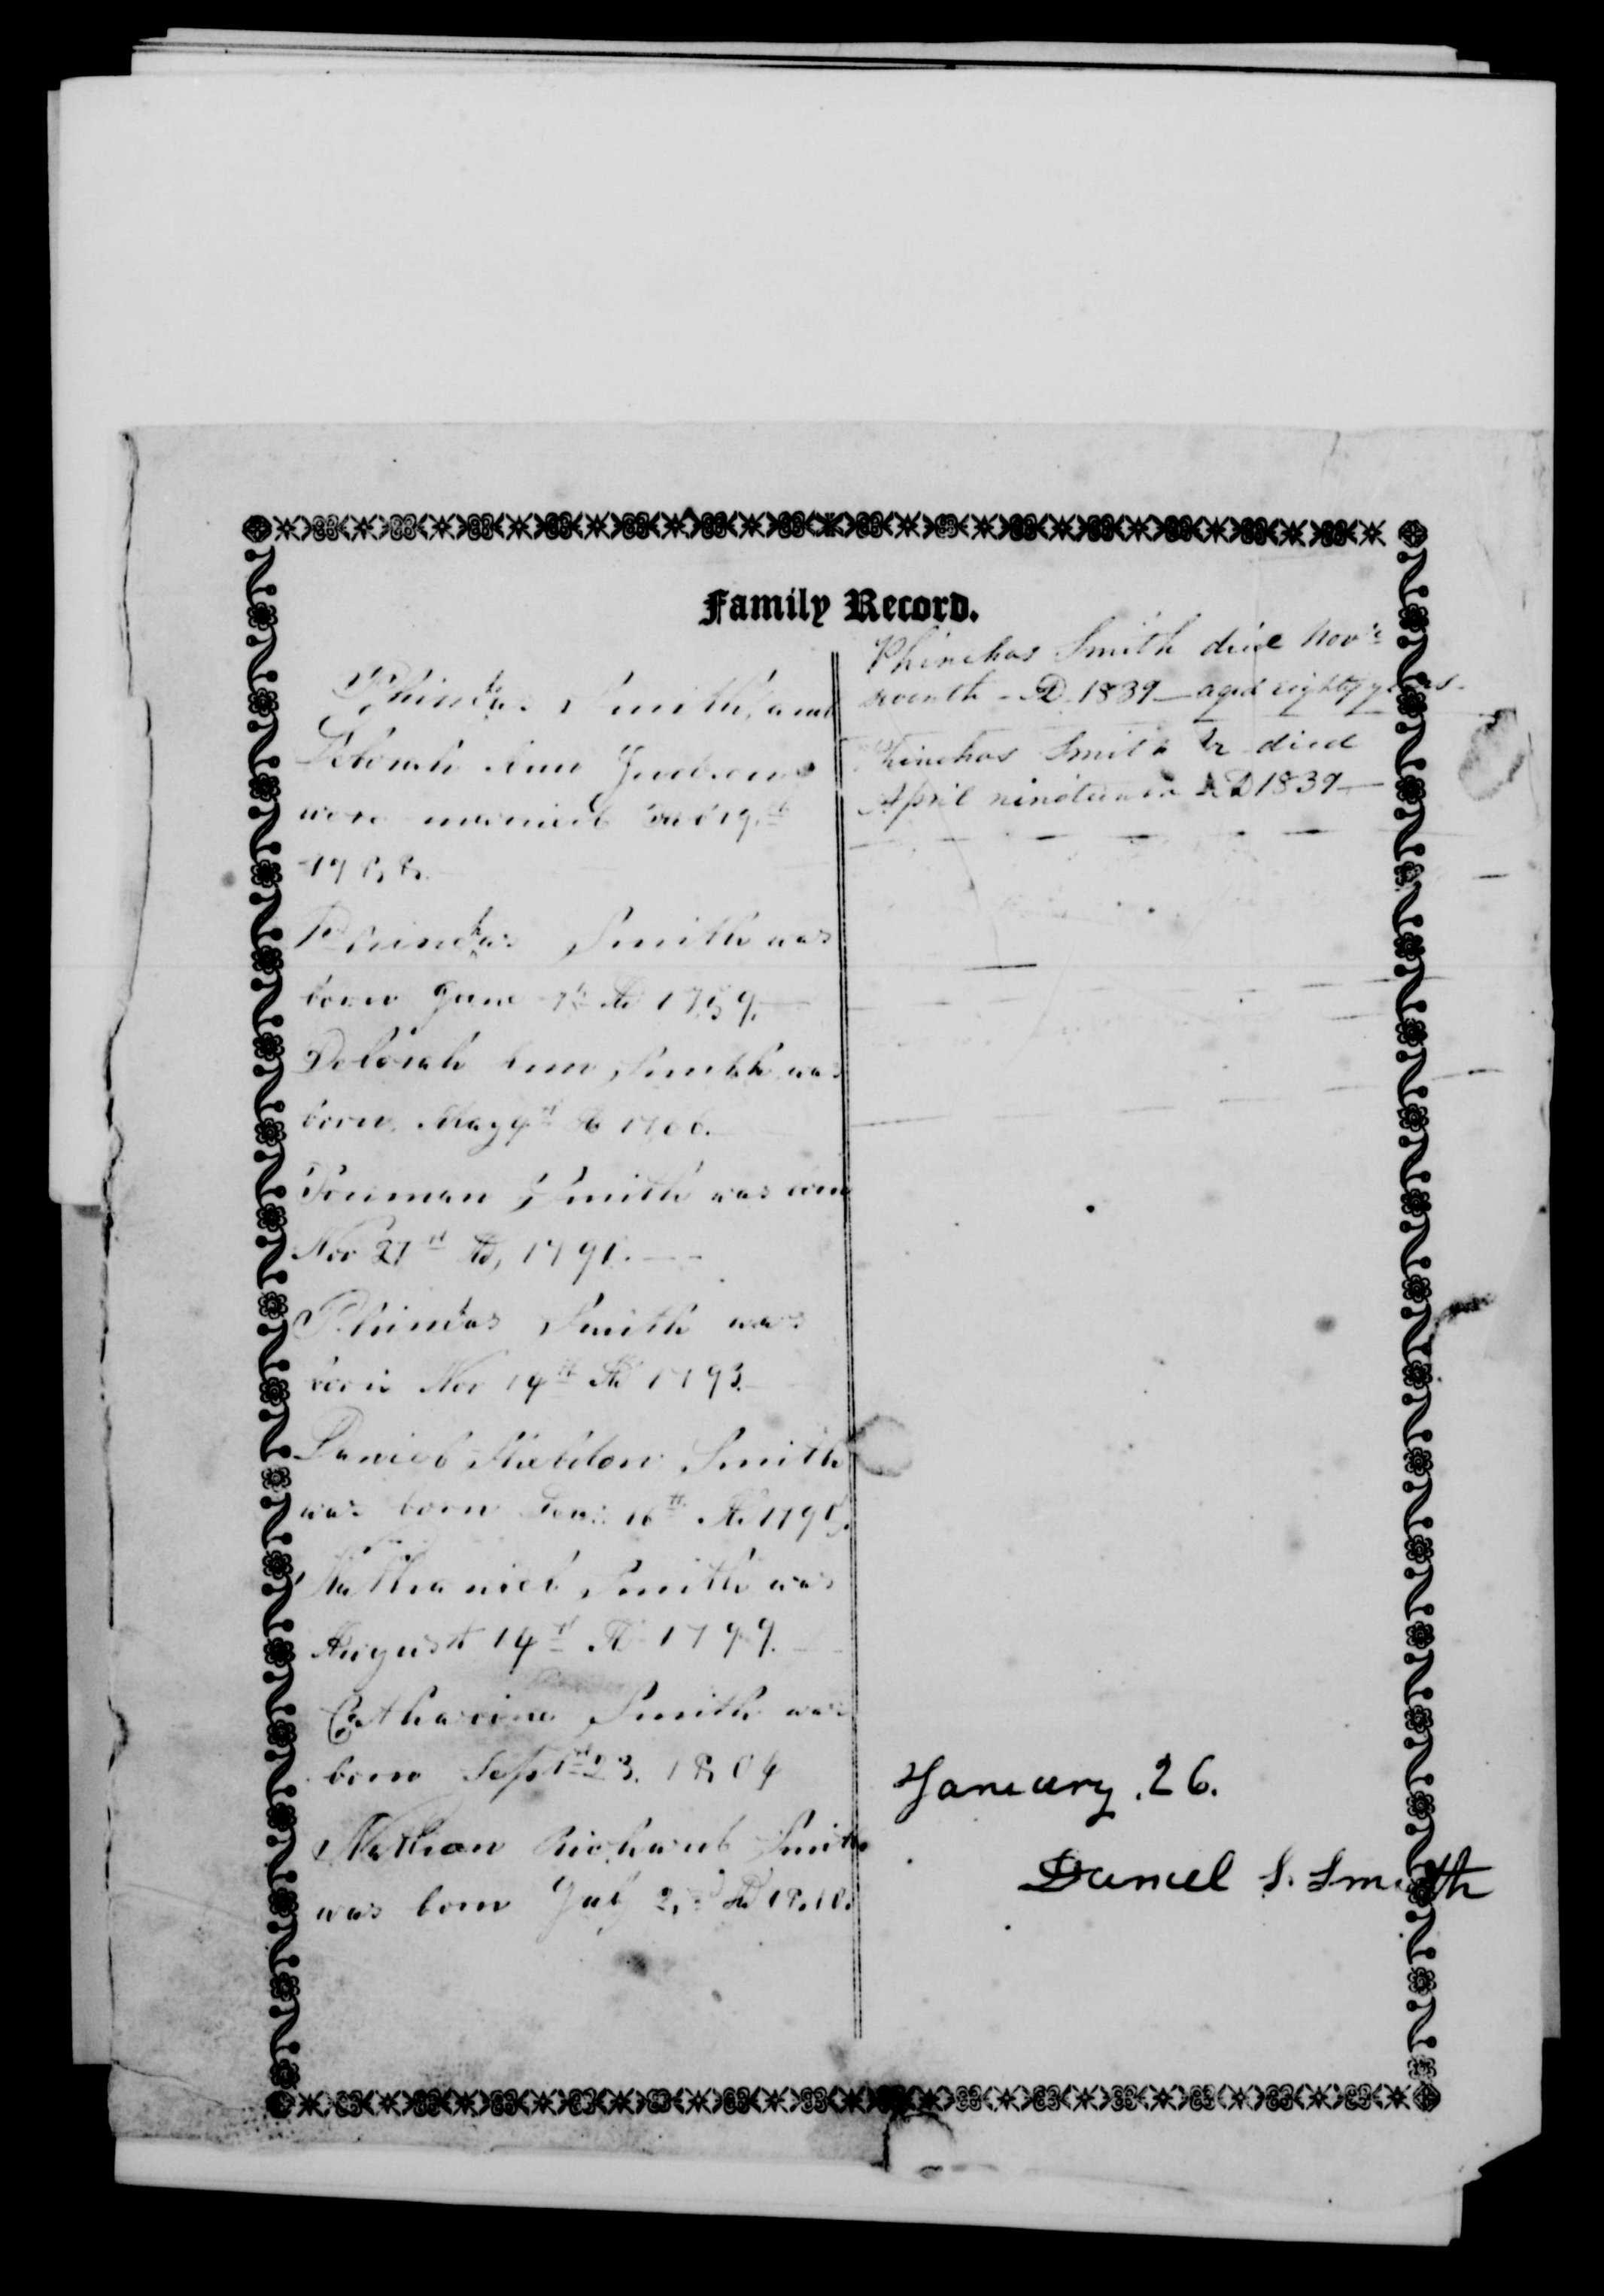Family Record
Phinehas Smith and Deborah Ann Judson were married Feb 19th 1788
Phinehas Smith  was born June 7th AD 1759
Deborah Ann Smith was born May 4th AD 1766
Truman Smith was born Nov 27th AD 1791
Phinehas Smith was born Novr 14th AD 1793
Daniel Sheldon Smith was born Decr 16th AD 1795
Nathaniel Smith was August 14th AD 1799
Catharine Smith was born Sept 23 1804
Nathan Richard Smith was born July 2nd AD 1810
Phinehas Smith died Novr seventh AD 1839 aged eighty years
Phinehas Smith Jr. died April nineteenth AD 1839
January 26
Daniel S. Smith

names: Phinehas Smith; Phanier Smith; Phinehas Smith; Phinehas Smith; Daniel S Smith; Daniel Sheldon Smith; Deborah Ann Smith; Phinehas Smith; Truman Smith; Phinehas Smith; Catharine Smith; Nathan Richard Smith; Deborah Ann [BLANK]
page: 14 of 55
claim: widow's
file: W. 11480, for Phinehas Smith, Connecticut